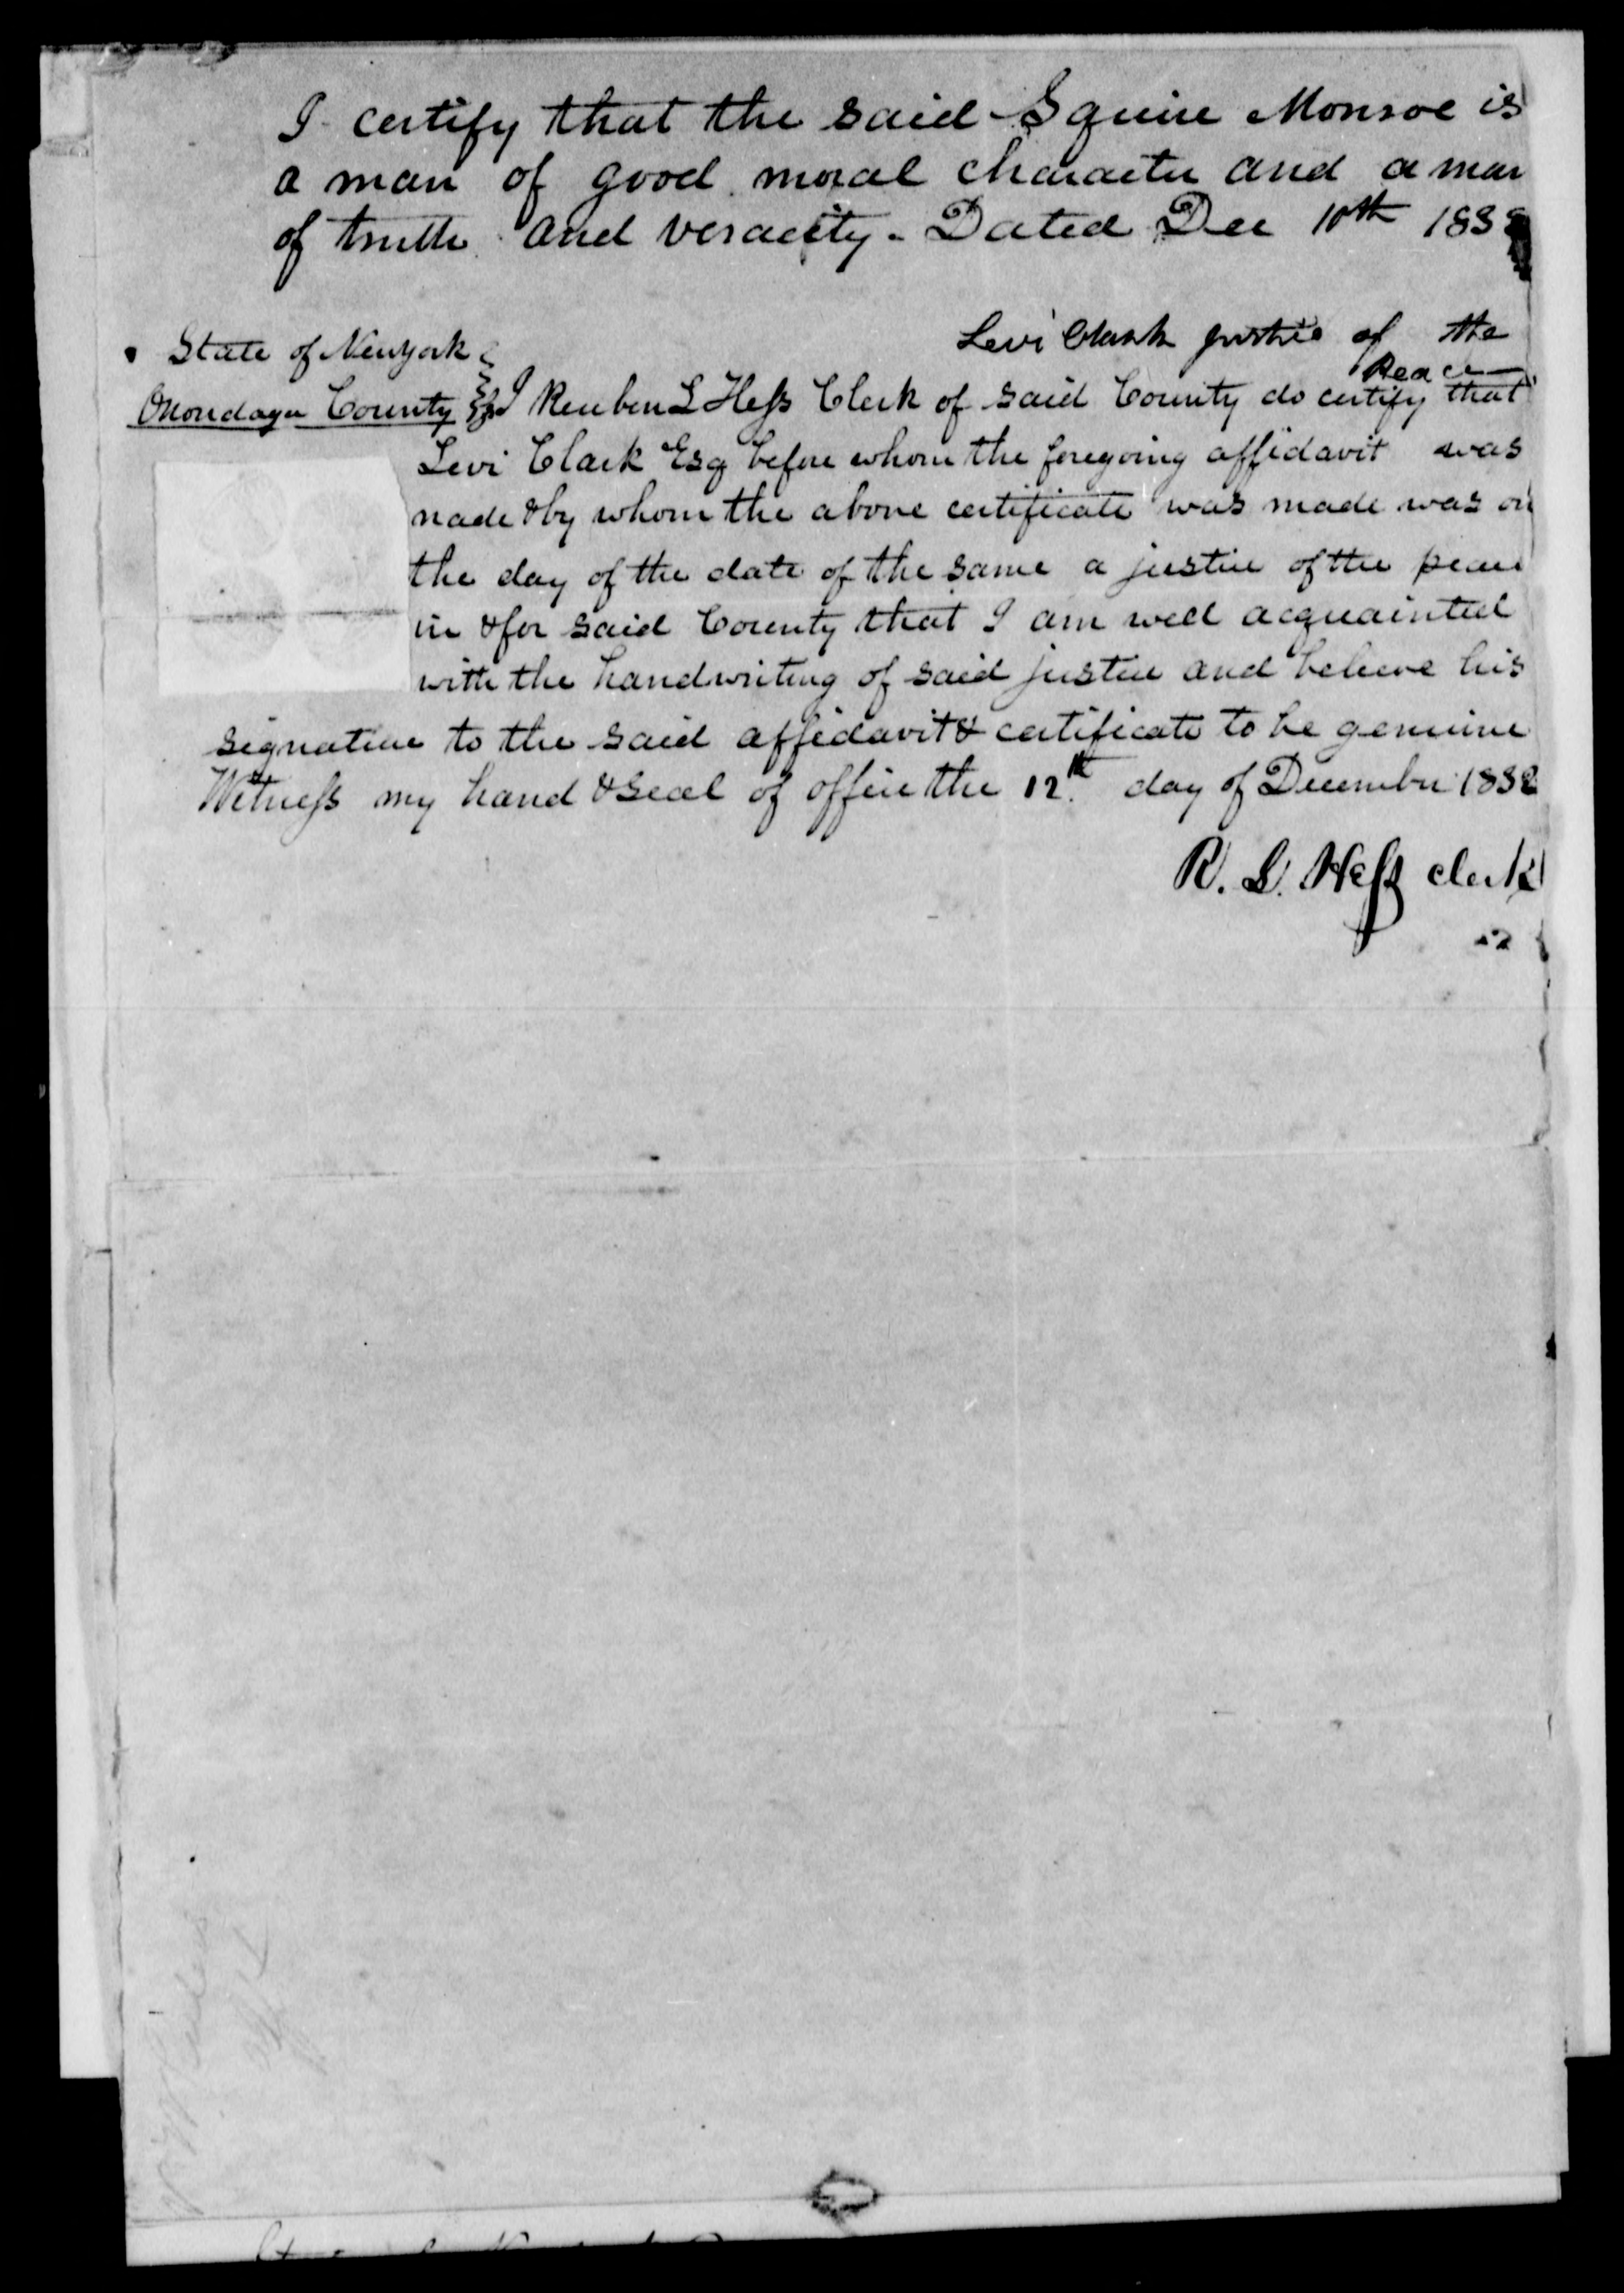I certify that the said Squire Monroe is a man of good moral character and a man of truth and veracity. Dated Dec. 10th 1832
Levi Clark Justice of the Peace

State of New York
Onondaga County SS
(seal)
I Reuben L. Hess Clerk of said County do certify that Levi Clark Esq. before whom the foregoing affidavit was made & by whom the above certificate was made was on the day of the date of the same a justice of the peace in & for said County. That I am well acquainted with the handwriting of said justice and believe his signature to the said affidavit & certificate to be genuine.
Witness my hand & seal of office the 12th day of December 1832.
R. S. Hess clerk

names: Reuben L Hess, Squire Monroe, Levi Clark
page: 5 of 98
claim: widow's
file: W. 1682, Valentine Wheeler, Mass.